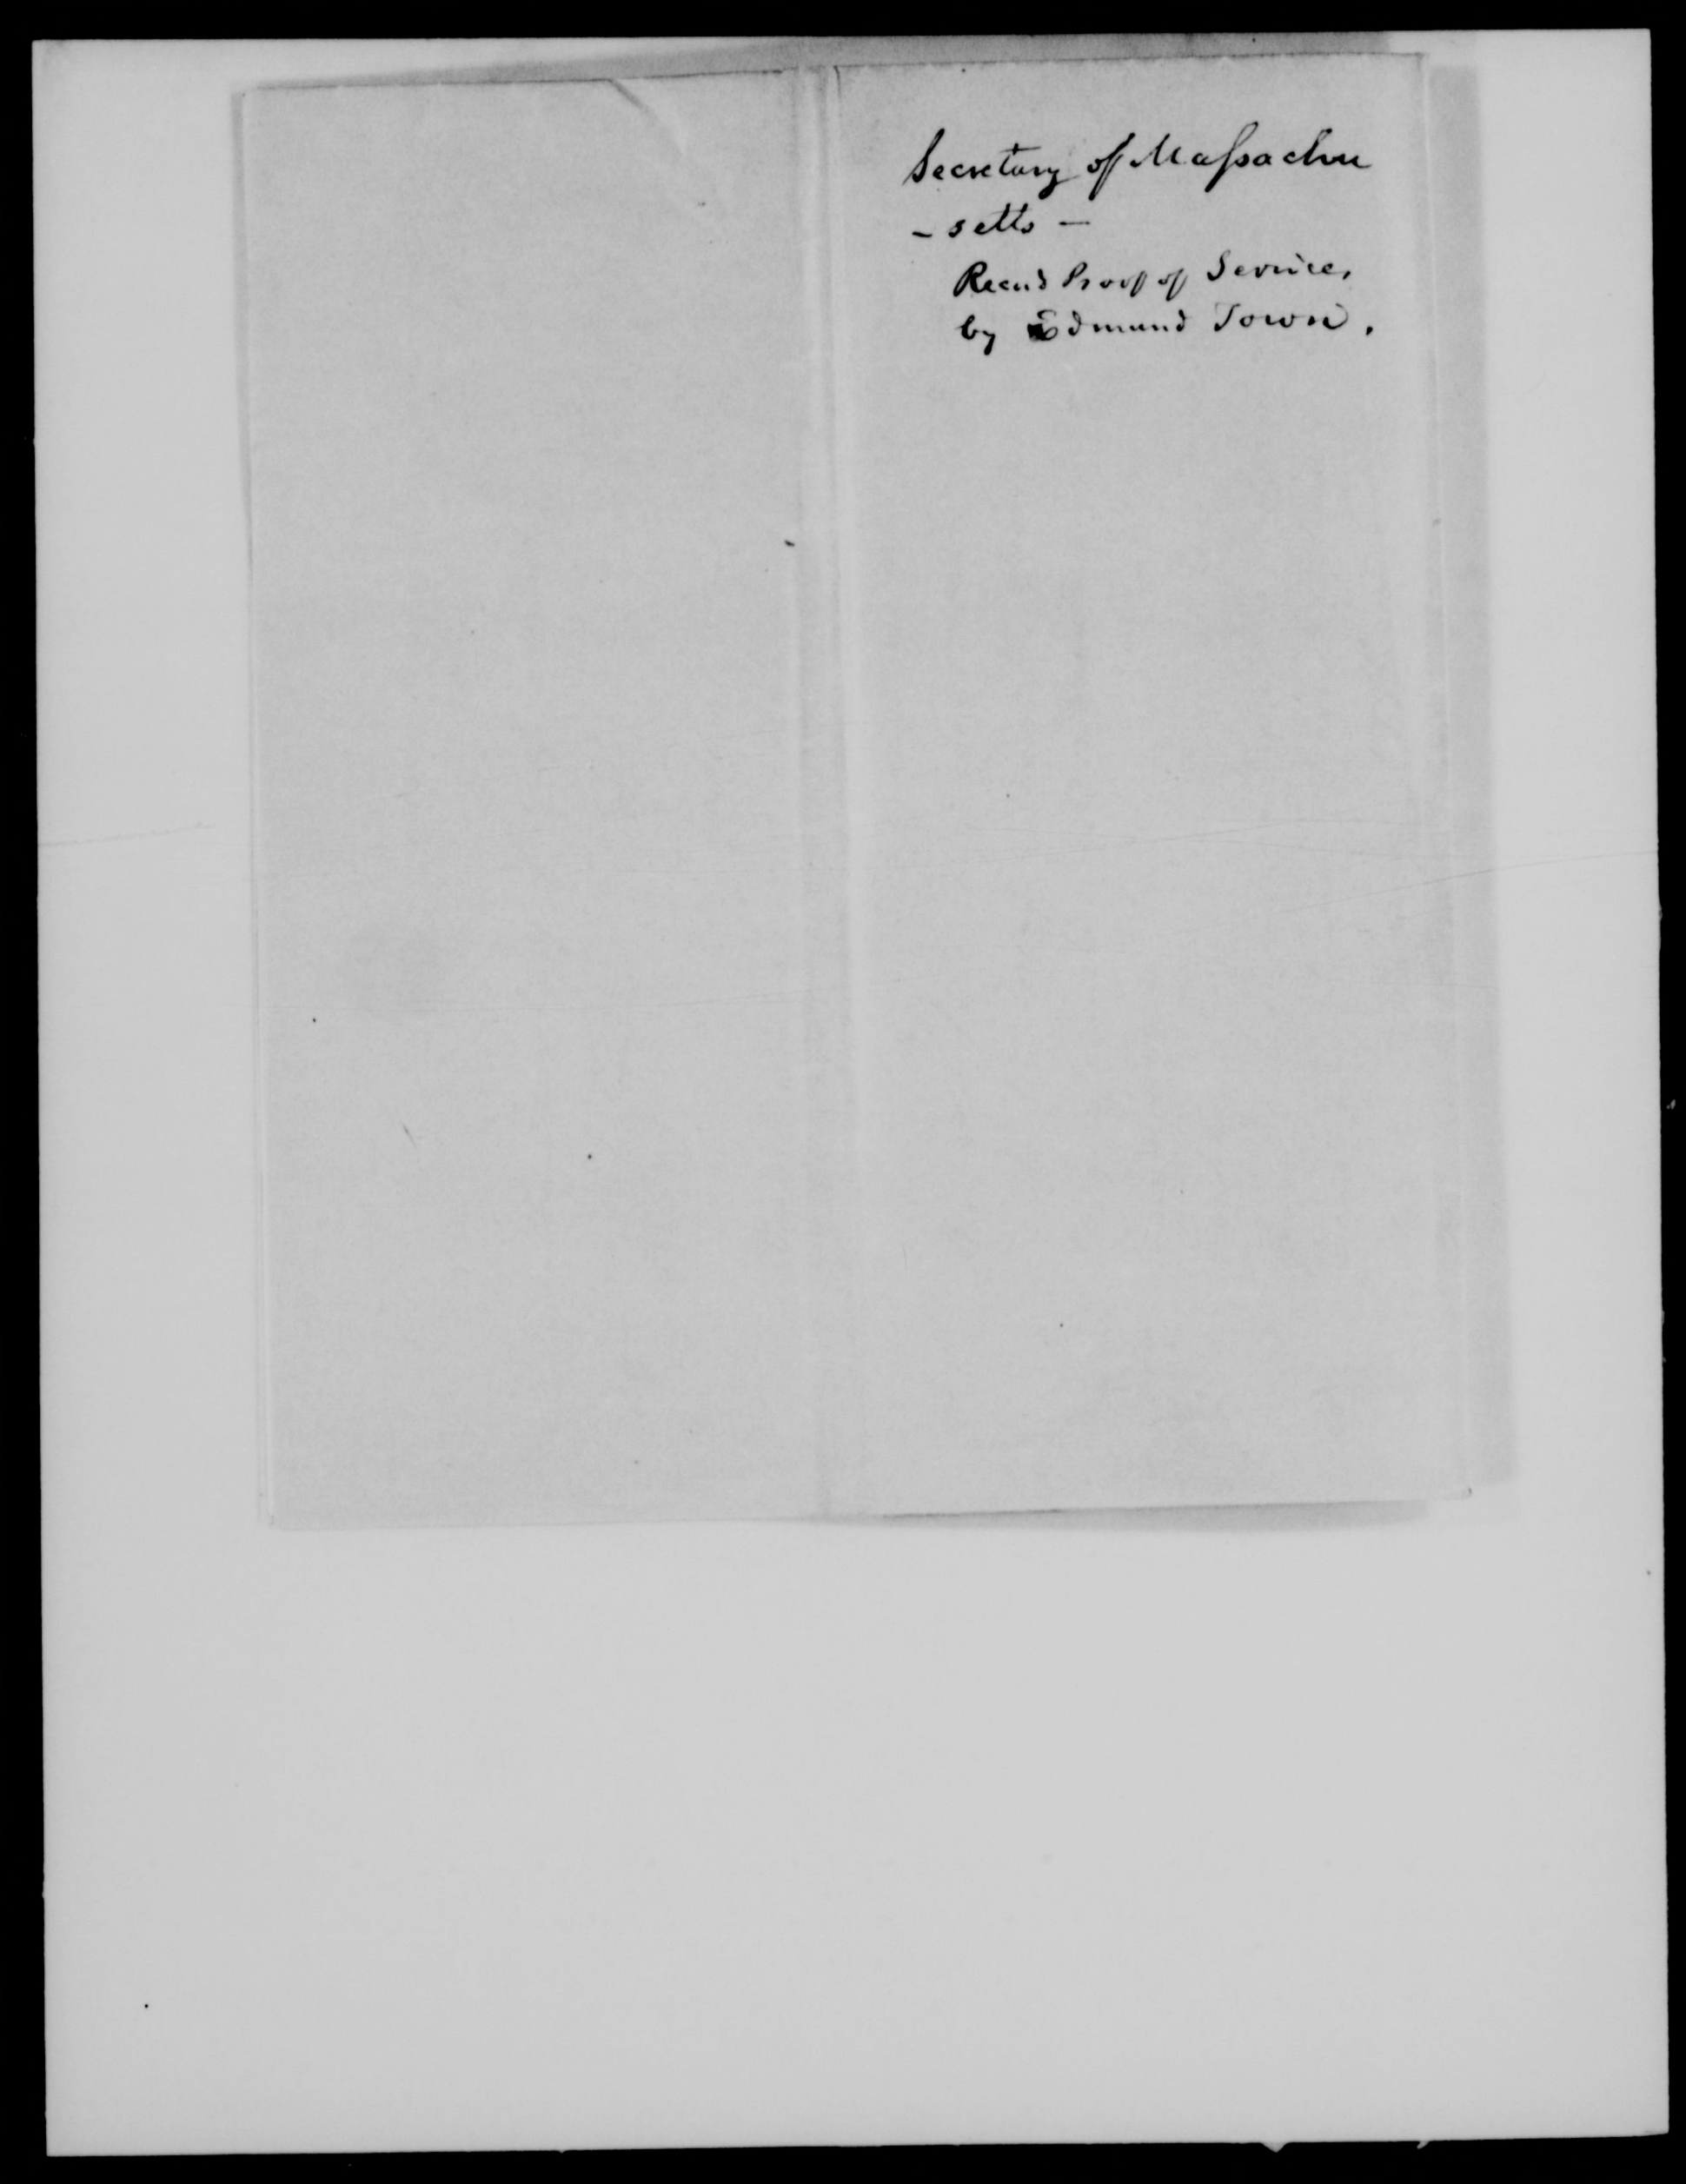Secretary of Massachusetts
Record Proof of Service
by Edmund Town.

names: Edmund Town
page: 61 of 64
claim: widow's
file: W. 5831, Edmund Town, Mass.